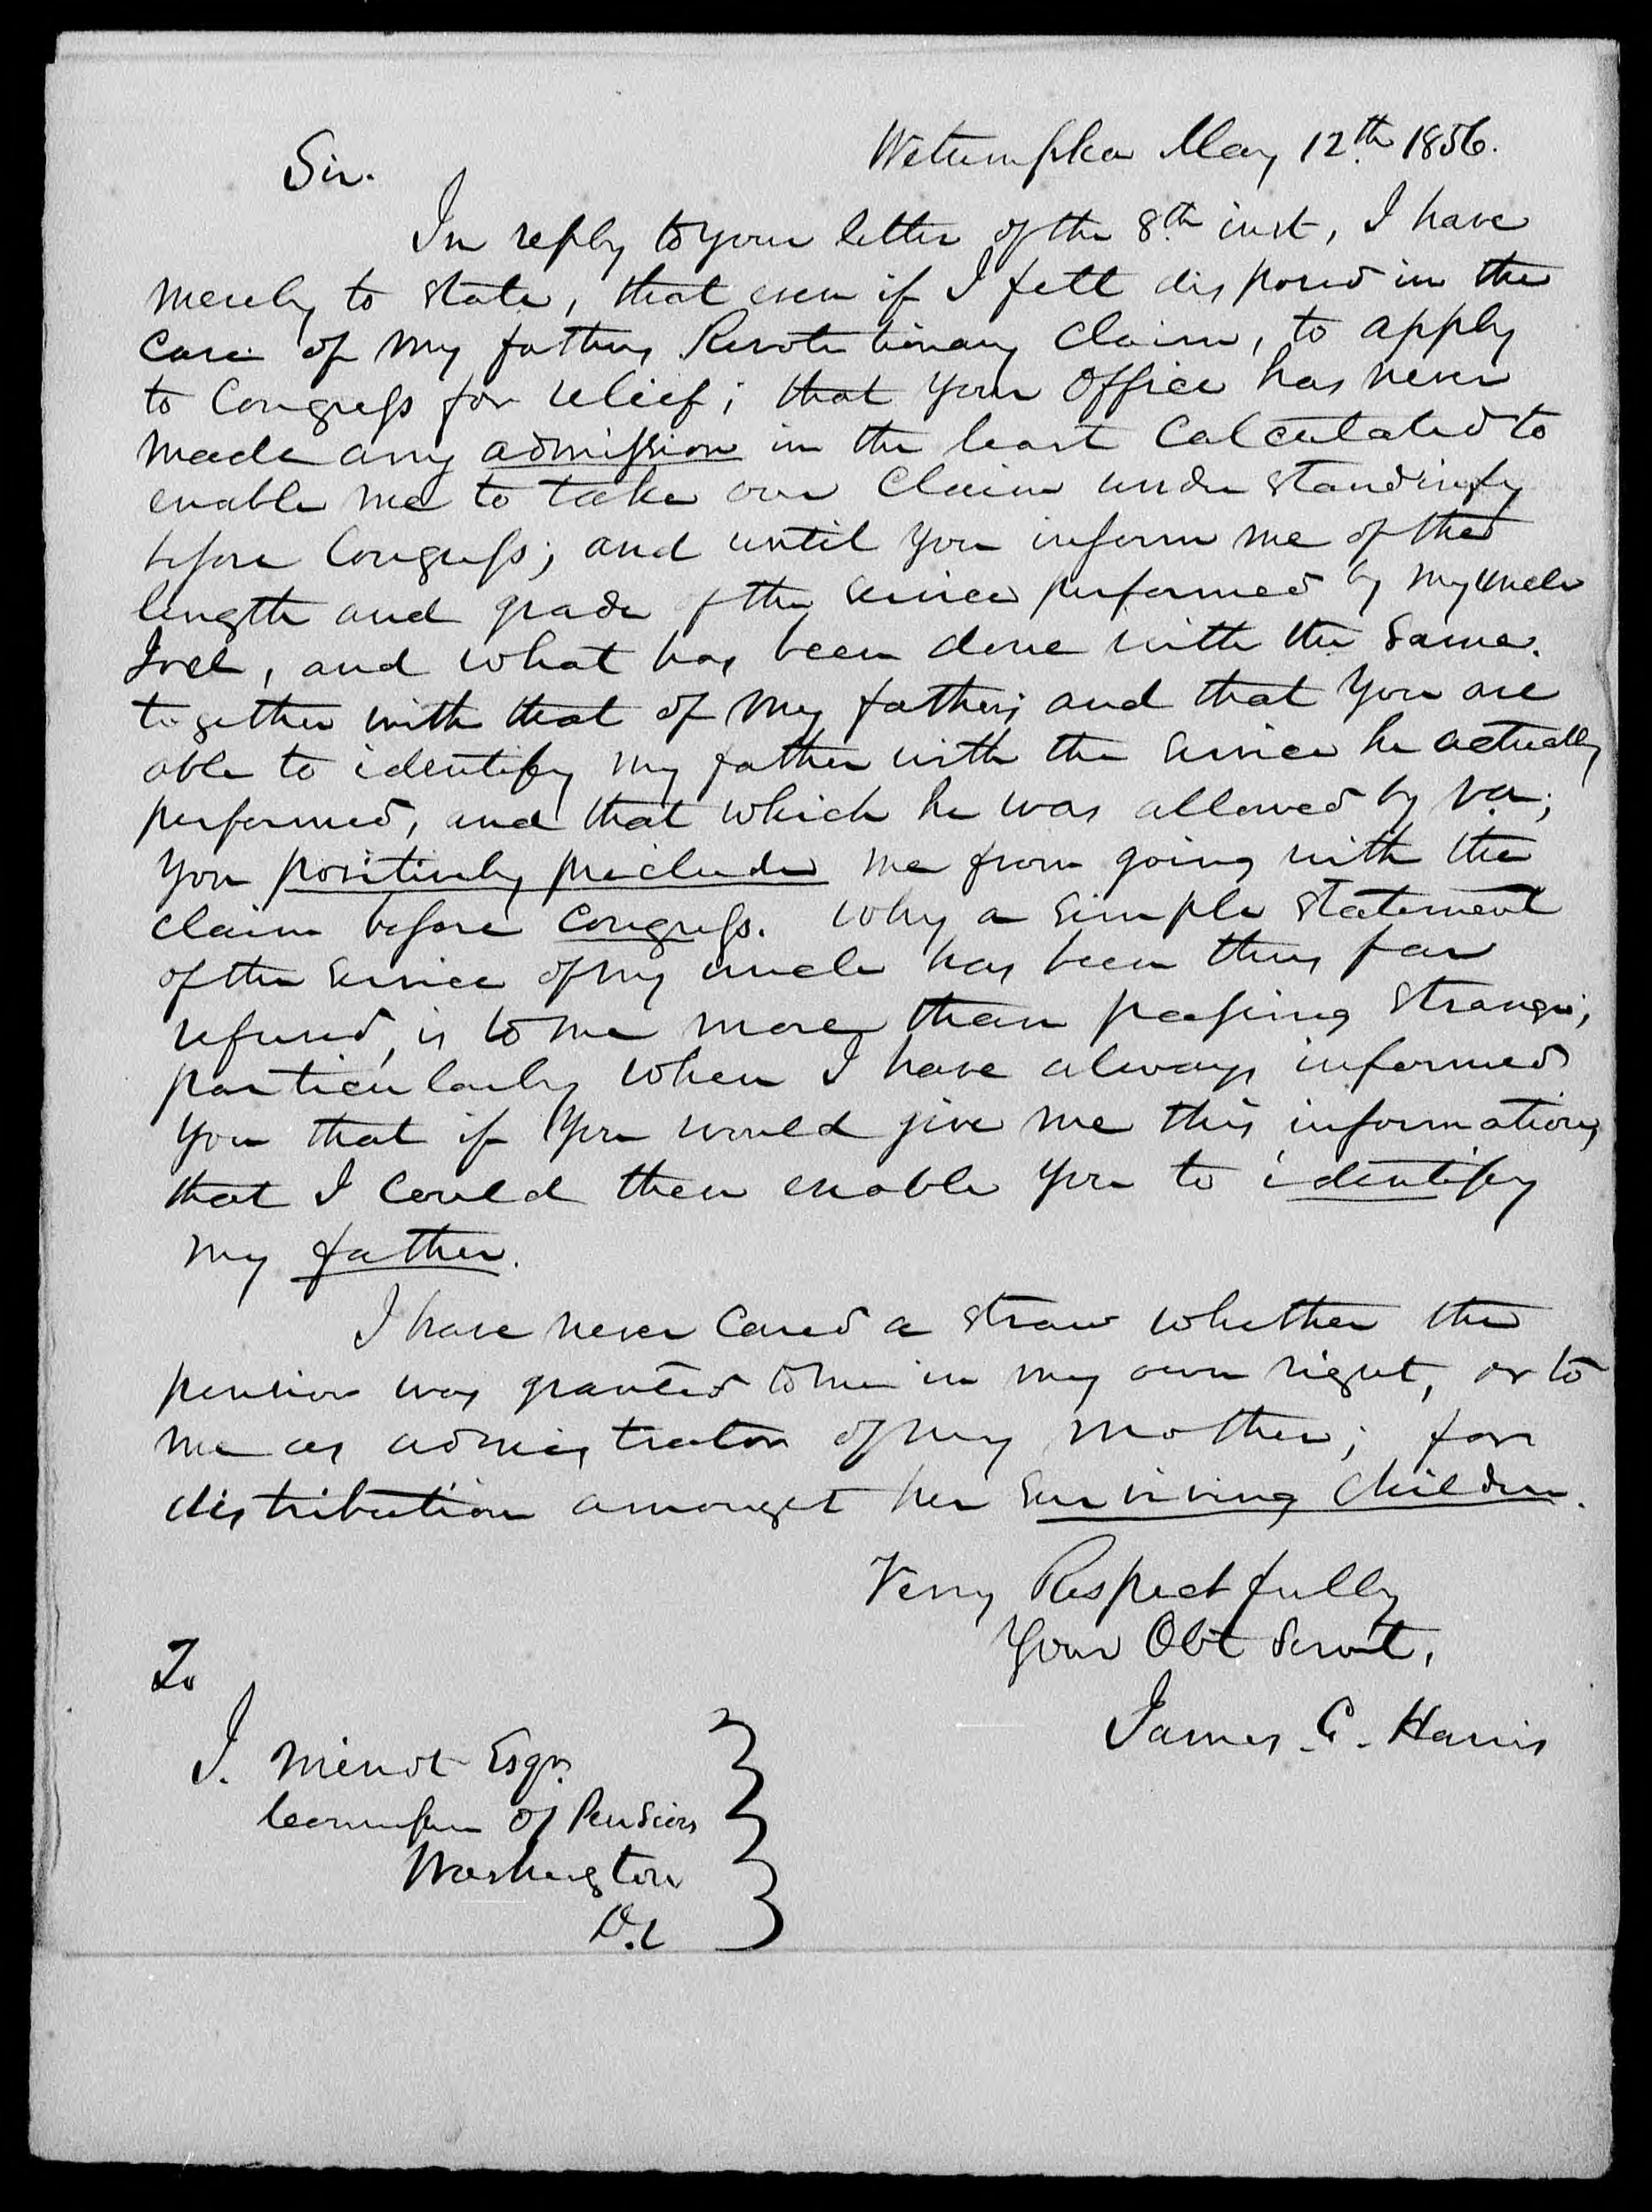Wetumpka May 12th 1856

Sir.
In reply to your letter of the 8th inst, I have merely to state, that even if I felt disposed in the case of my fathers Revolutionary claim, to apply to Congress for relief, that your office has never made any admission in the least calculated to enable me to take our claim understandingly before Congress, and until you inform me of the length and grade of the service performed by my uncle Joel, and what has been done with the same, together with that of my father, and that you are able to identify my father with the service he actually performed, and that which he was allowed by Va, you positively preclude me from going with the claim before Congress.  Why a simple statement of the service of my uncle has been thus far referred, is to me more than passing strange, particularly when I have always informed you that if you would give me this information, that I could then enable you to identify my father.
I have never cared a straw whether the pension was granted to me in my own right, or to me as administrator of my mother, for distribution amongst her surviving children.
Very respectfully
Your Obt Servt.
James C. Harris

To J MInot Esqr
Commissn of Pensions
Washington
D.C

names: J Minot, James C Harris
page: 101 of 160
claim: rejected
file: R. 4666, James Harris, Va.